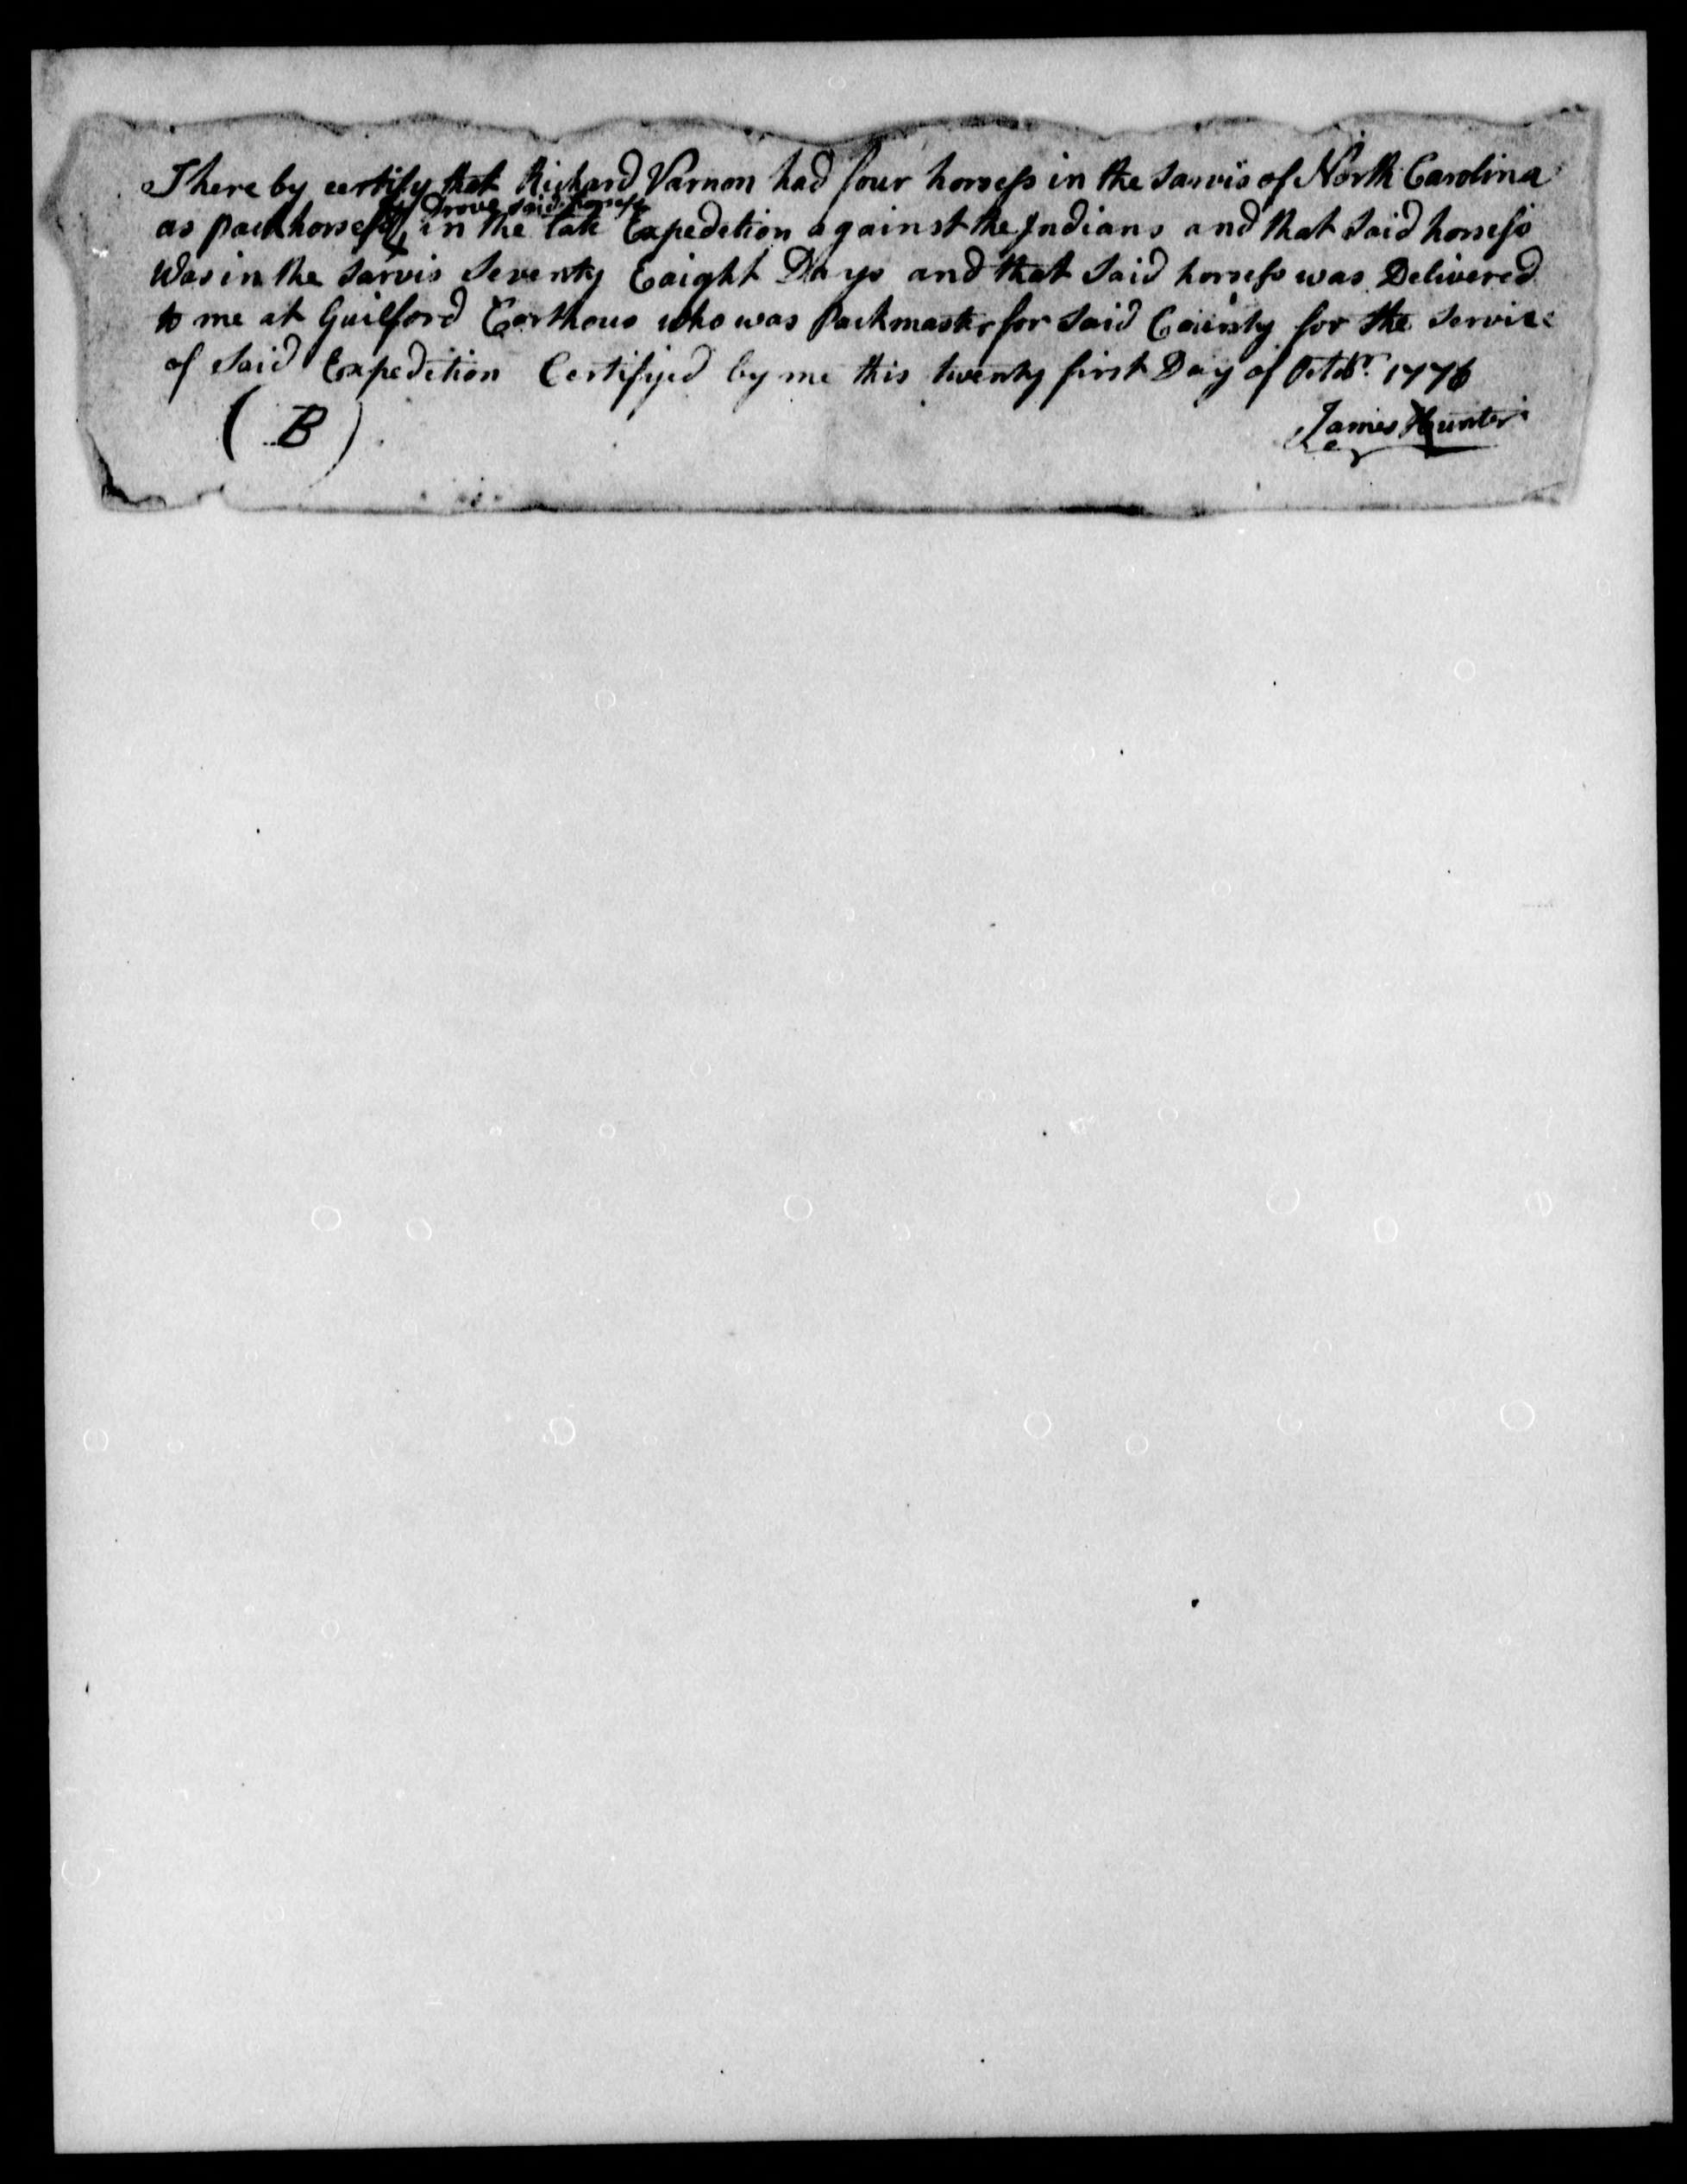There by certify that Richard Vernon had four horses in the Sarvis [sic] of North Carolina as pack horses & drove said horses in the late Expedition against the Indians and that said horses was in the sarvis [sic] Seventy Eaight [sic] Days and that Said horses was Delivered to me at Guilford Corthouse [sic] who was packmaster for Said County for the services of Said Expedition Certifyed [sic] by me this twenty first Day of October 1776. 
James Hunter

(B)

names: James Hunter, Richard Varnon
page: 27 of 105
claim: survivor's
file: S. 1883, Richard Vernon, N.C.